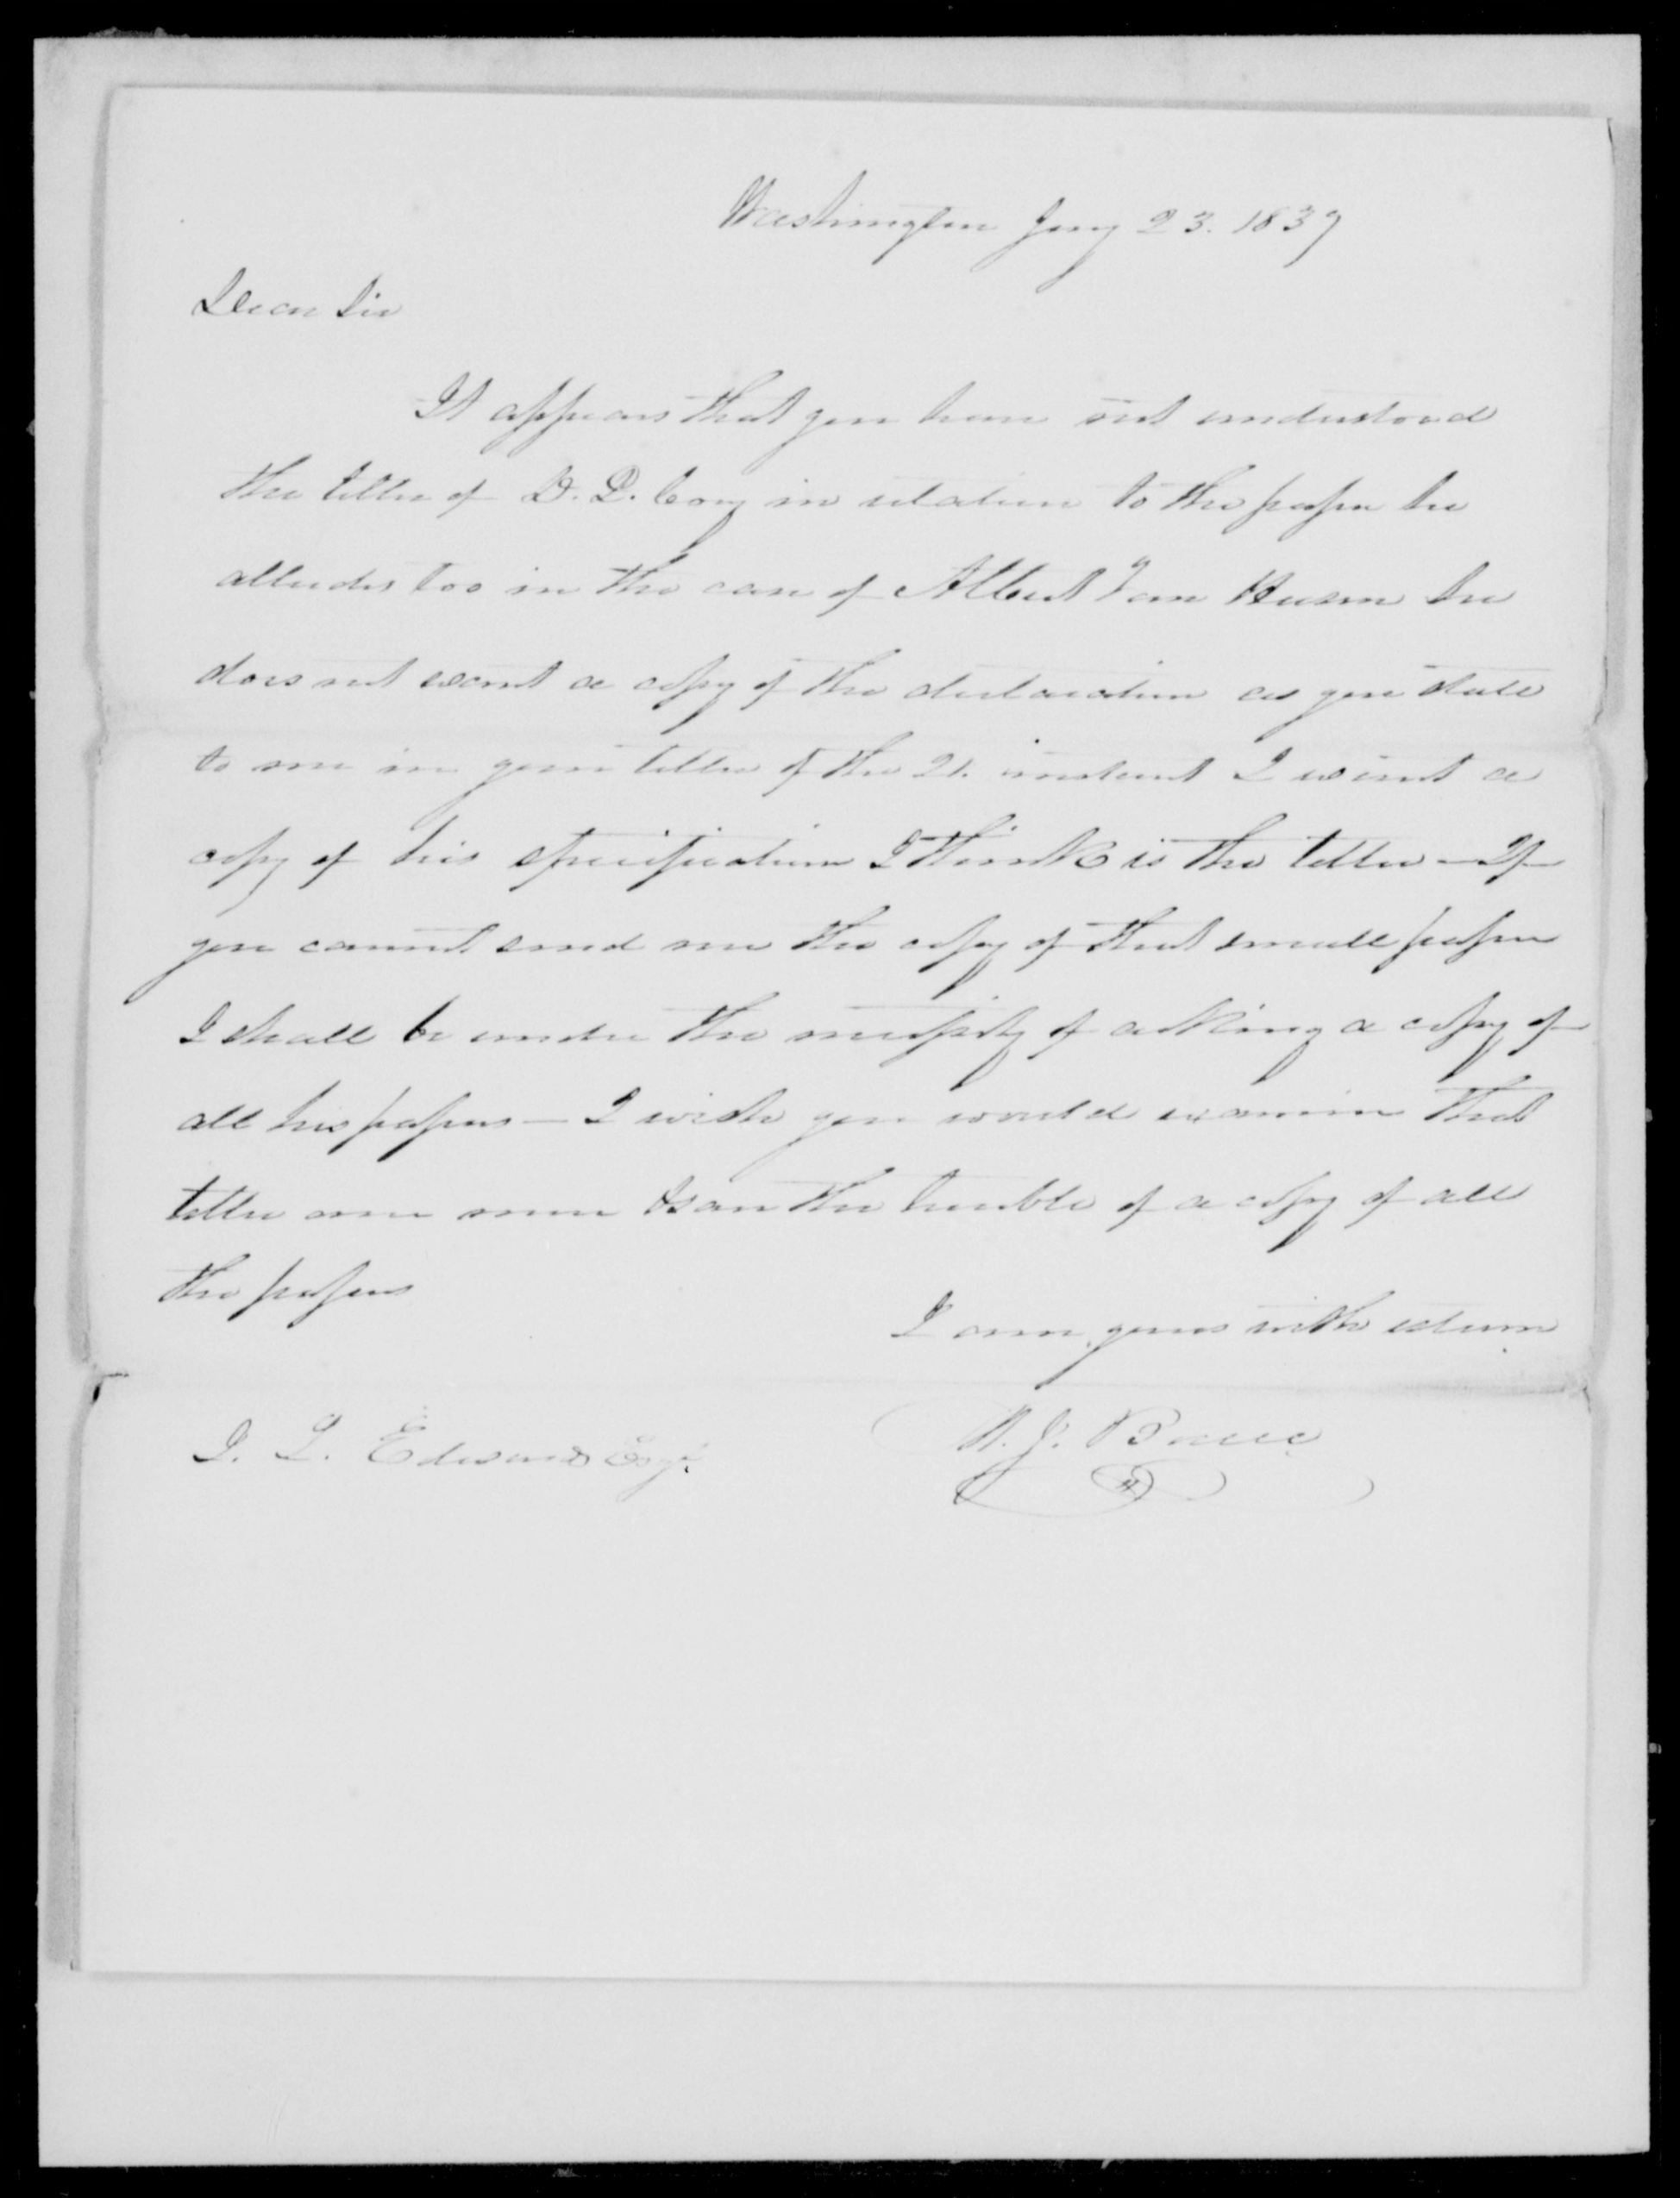Washington Jany 23 1837 
Dear Sir 
It appears that you have not understood the letter of D. L. Cory in relation to the paper he alludes too in the case of Albert Van Huson he does not want a copy of the declaration as you state to me in your letter of the 21. instant I want as copy of his specifications I think is the letter If you cannot send me the copy of that small paper I shall be under the necessity of asking a copy of all his papers - I wish you would examine that letter some more & save the trouble of a copy of all the papers
I am yours with esteem
[signed] M. J. Bovee

J. L. Edwards Esq.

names: J L Edwards, D L Cory, Albert Van Husen, M J Bovee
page: 25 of 57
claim: survivor's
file: S. 28,925, Albert Van Housen, New York